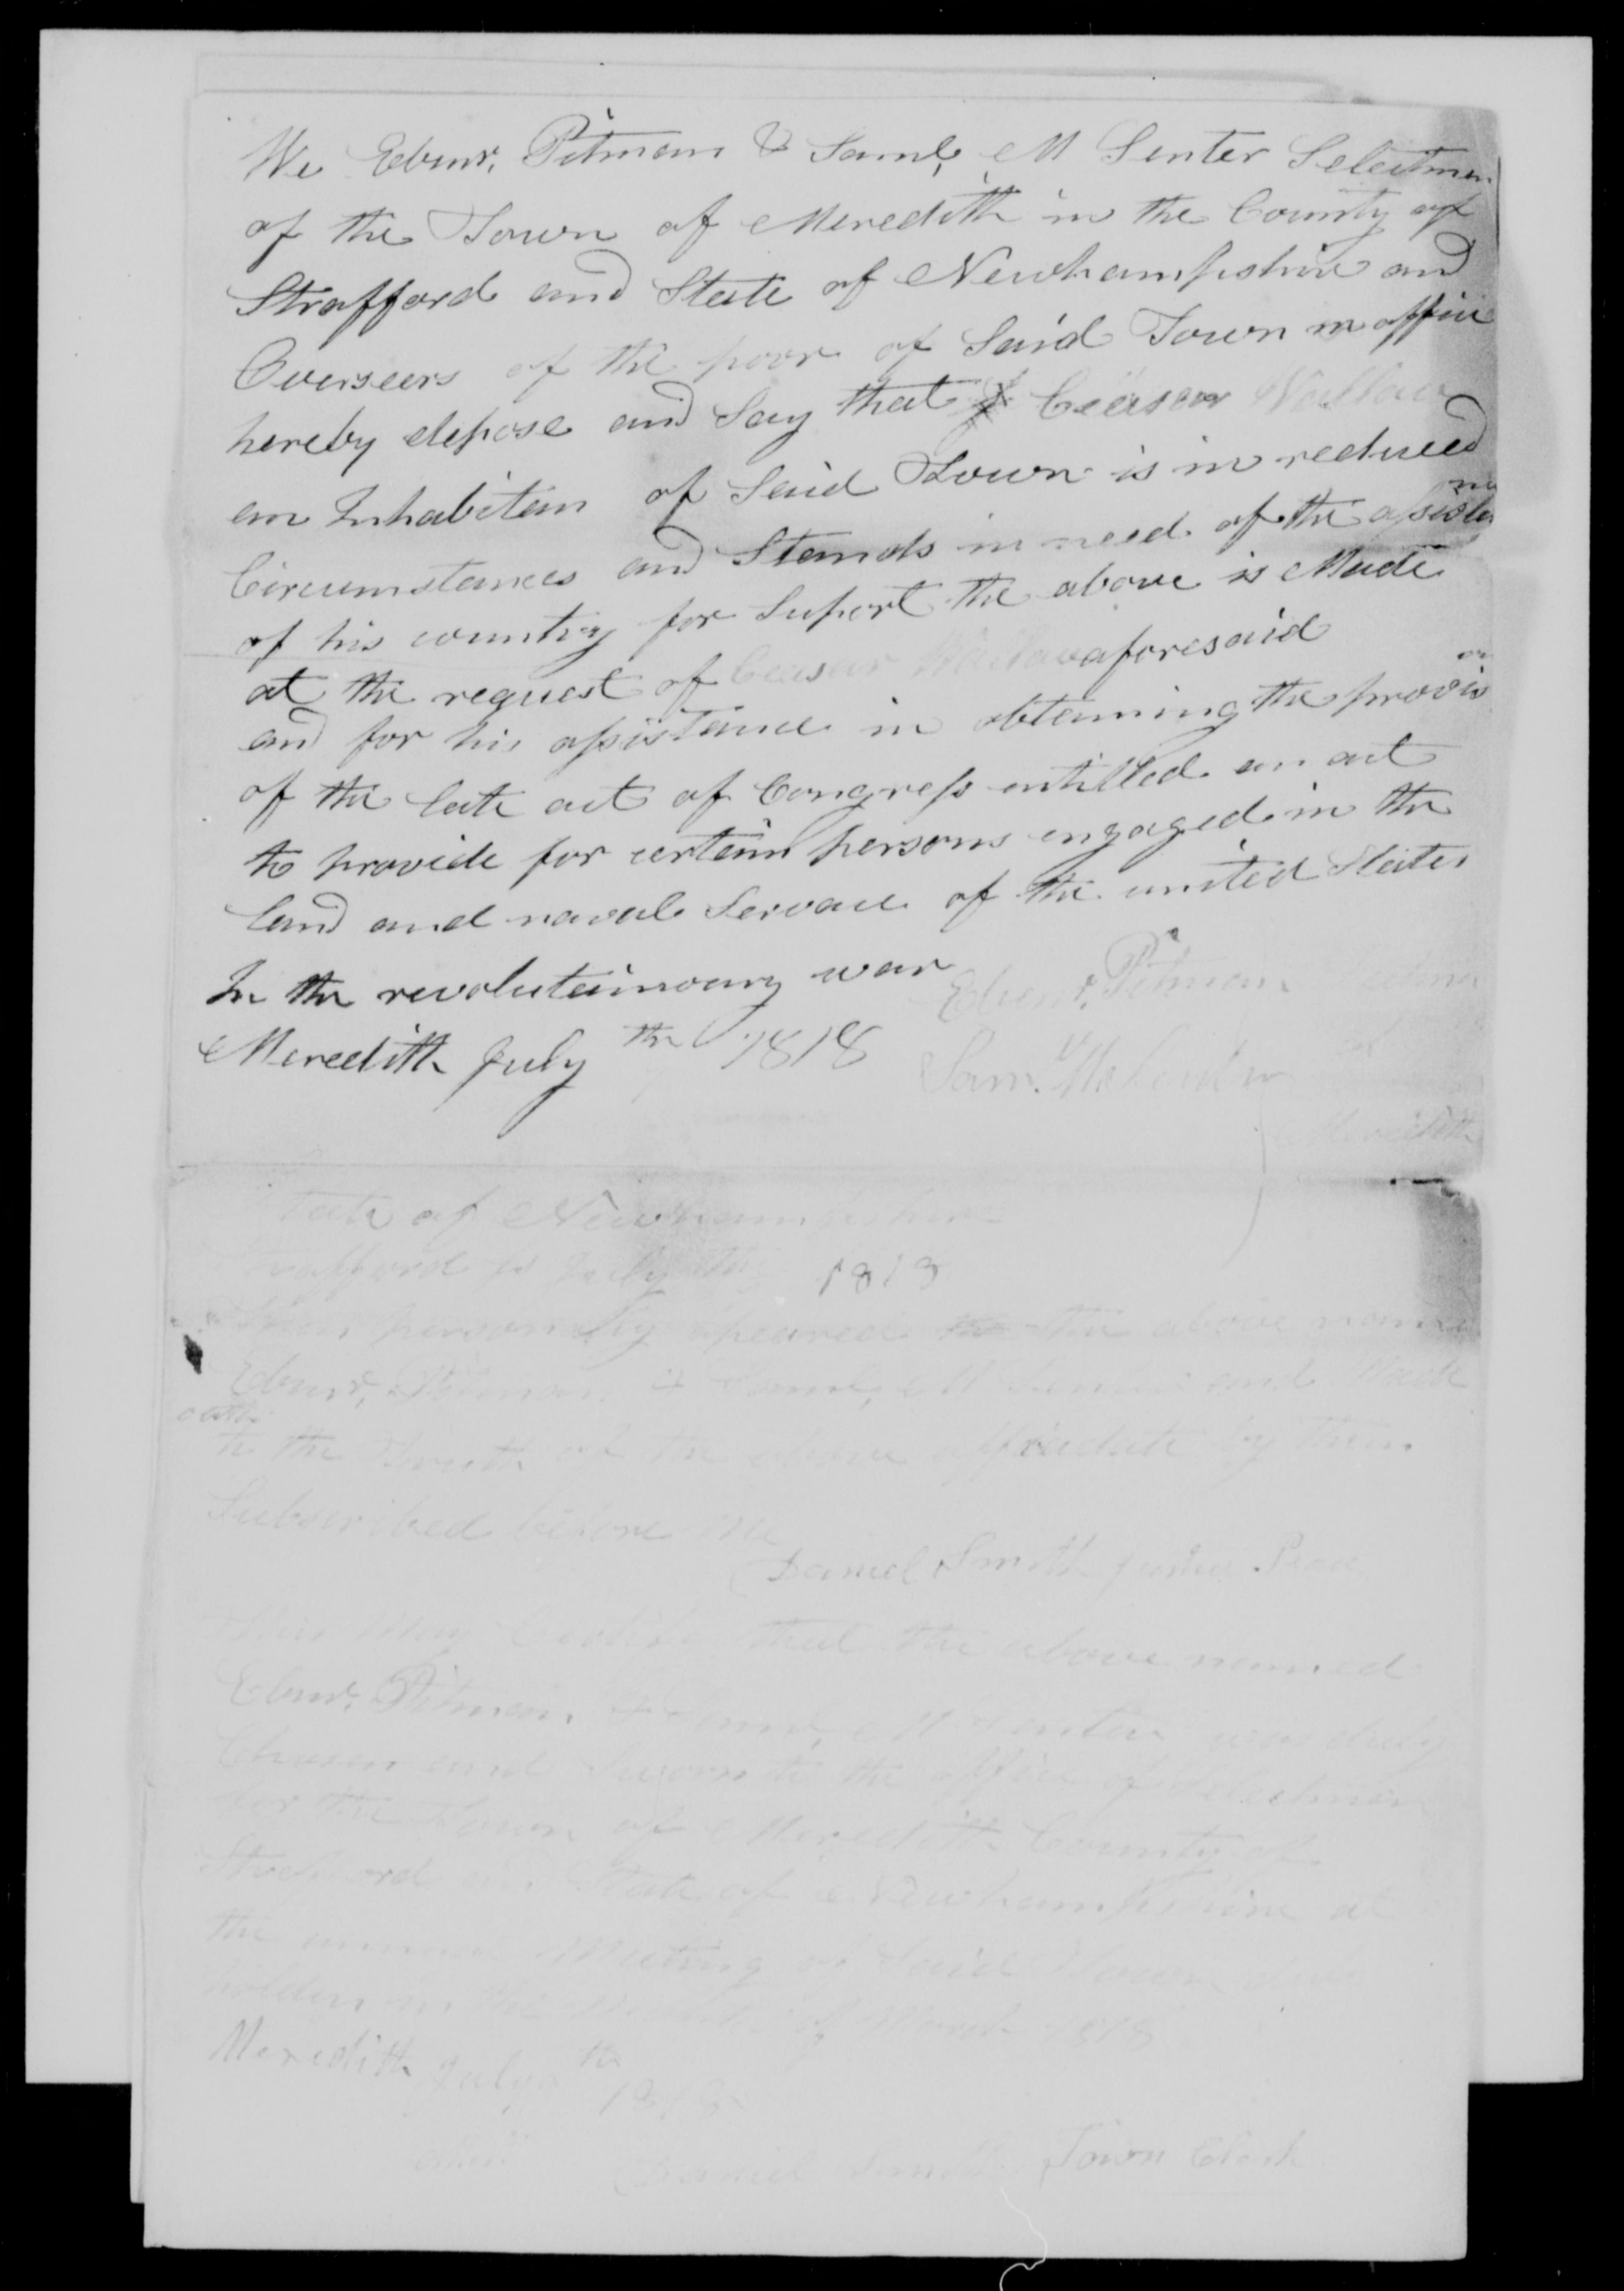We Ebenr. [Ebenezer] Pitman & Saml. [Samuel] M Senter Selectmen of the Town of Meredith in the County of Strafford and State of Newhampshire and Overseers of the poor of Said Town [illegible] hereby depose and say that Caesar Wallace an Inhabition [Inhabitant] of Said Town is in reduced Circumstances and Stands in need of the assistance of his country for support the above is Made at the request of Caesar Walace aforesaid and for his assistance in obtaining the provision of the late act of Congress entitled an act to provide for certain persons engaged in the land and naval service of the United States in the revolutionary war

Ebenezer Pitman
Saml Senter [illegible]

Meredith July [illegible] 1818.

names: Ebenr Pitman, Ebenr Pitman, Saml M Senter, Ceasar Wallace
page: 5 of 9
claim: survivor's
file: S. 43,250, Caesar Wallace, N.H.